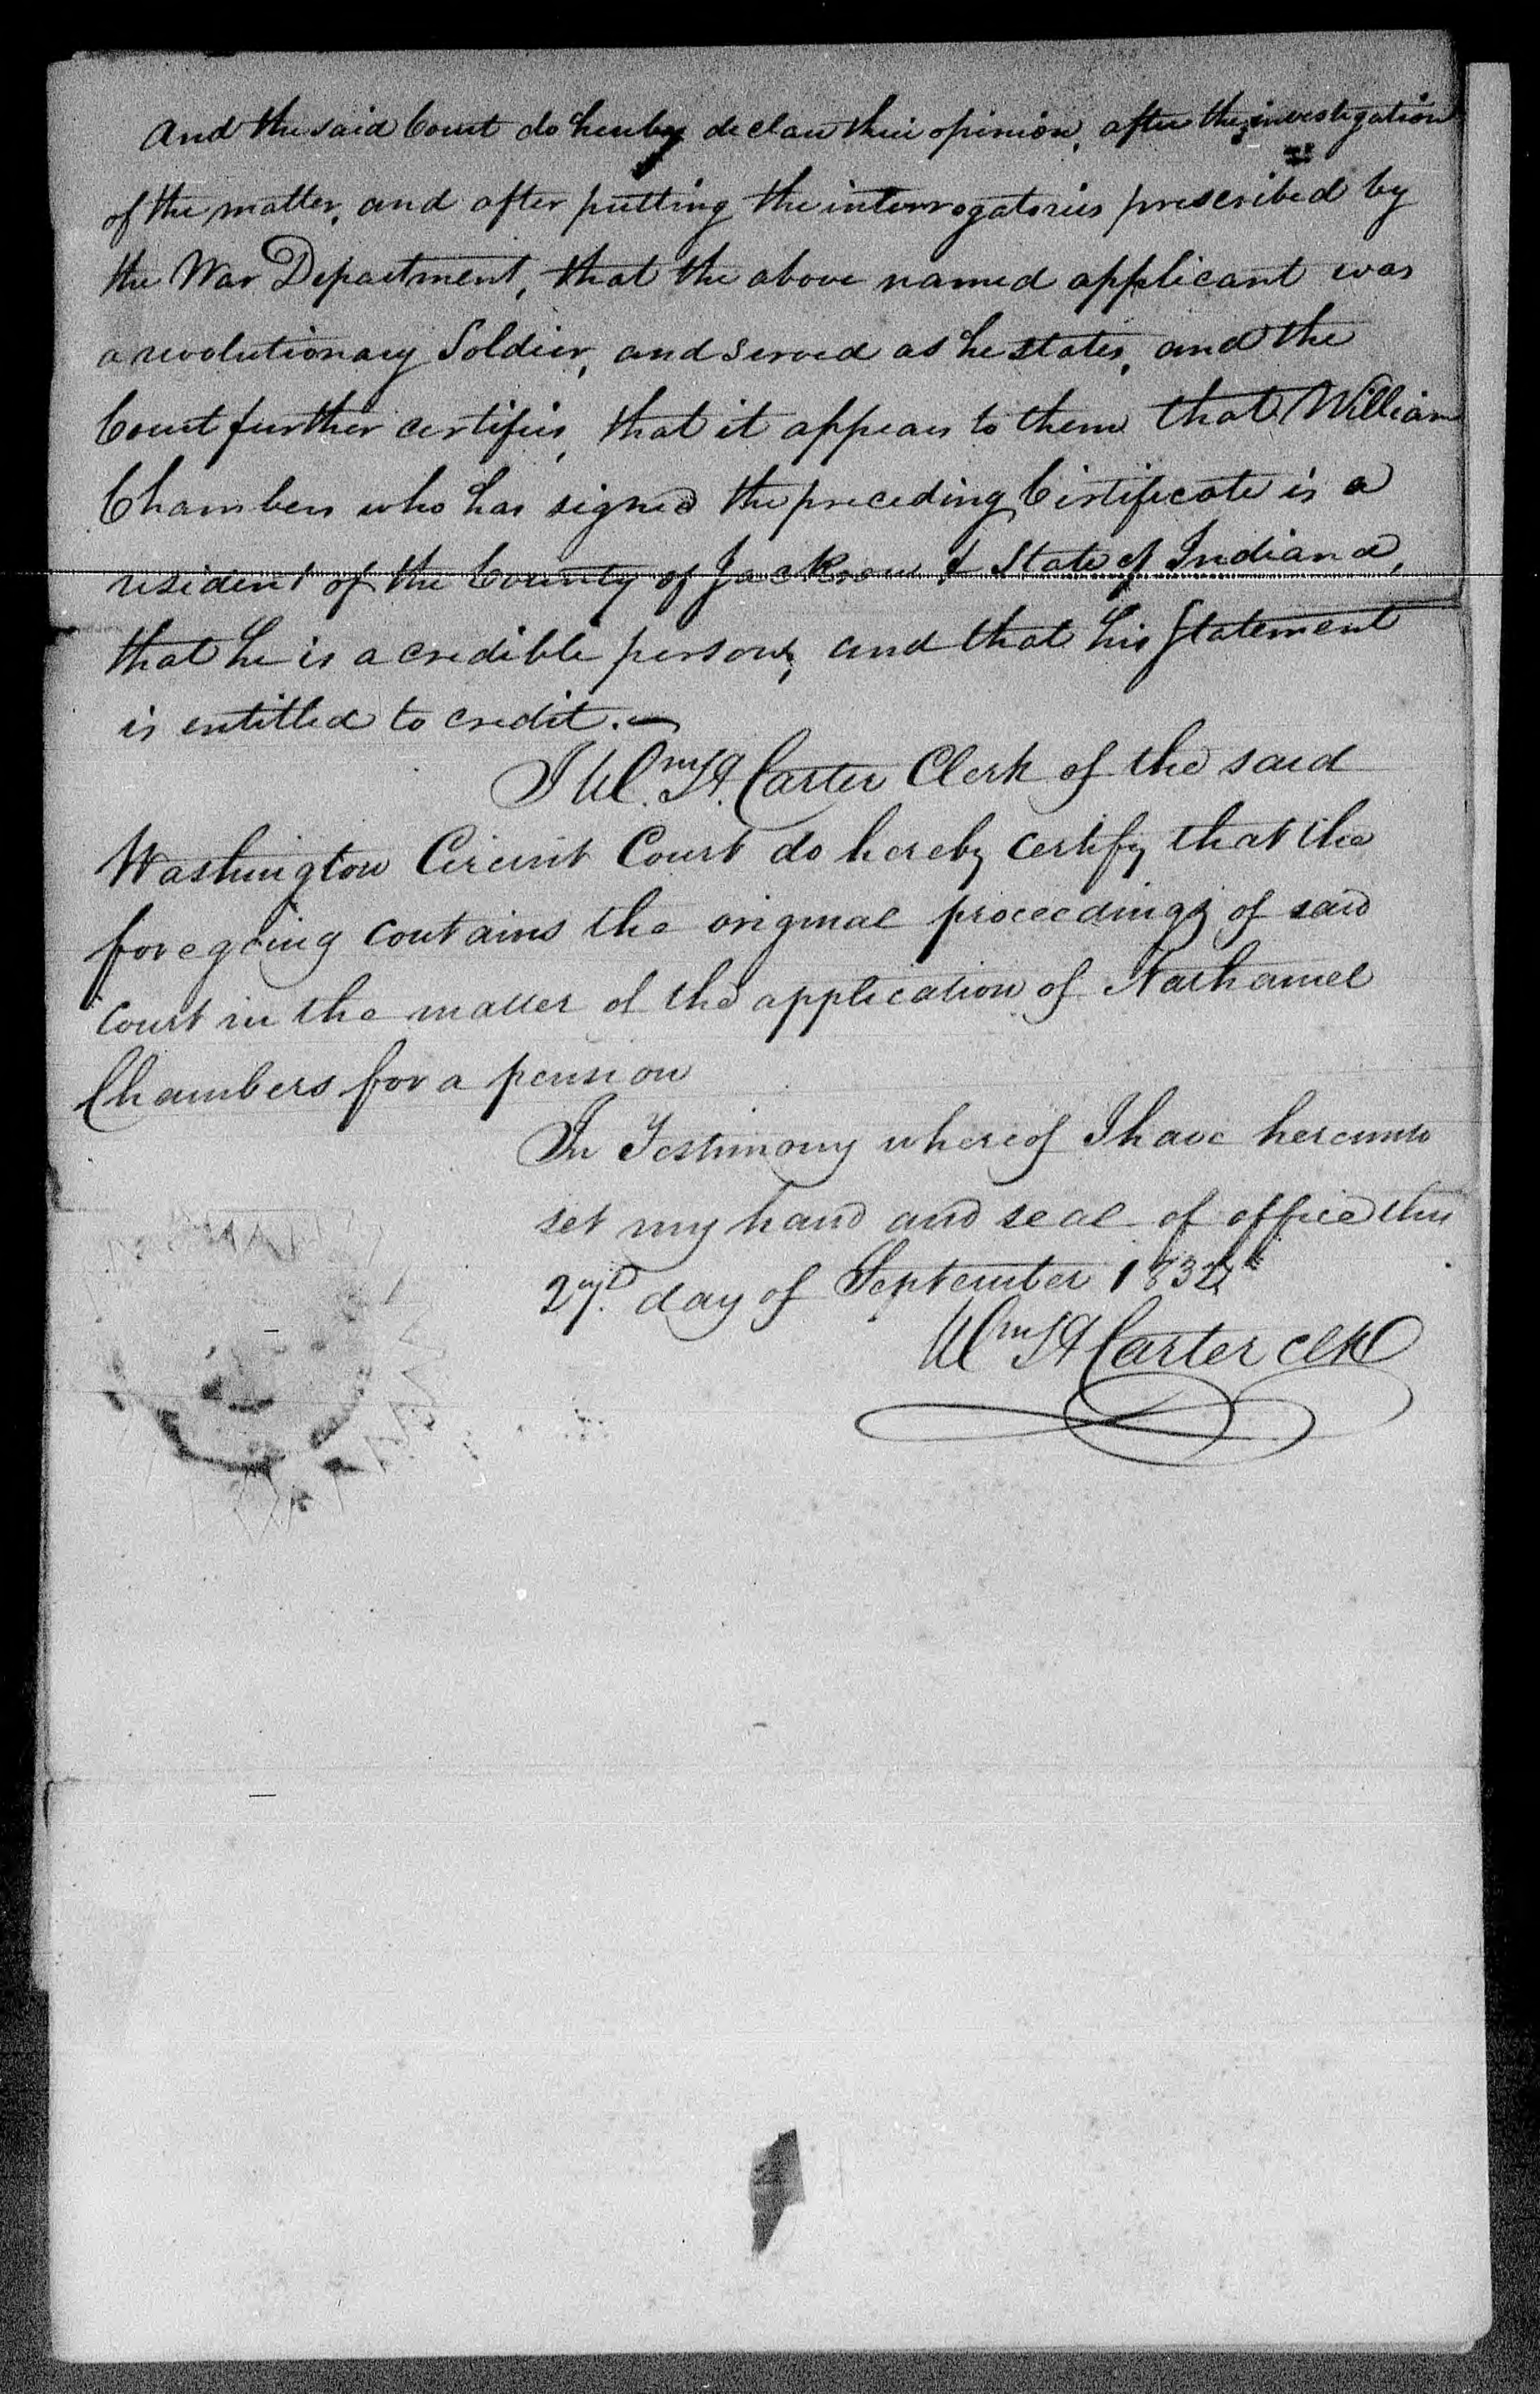and the said Court do hereby declare their opinion, after the investigation of the matter, and after putting the interrogatories prescribed by the War Department, that the above named applicant was a revolutionary Soldier, and served as he states, and the
Court further certifies that it appears to them that William
Chambers who has signed the preceding certificate is a resident of the County of Jackson & State of Indiana that he is a credible person, and that his statement is entitled to credit.-

I, Wm. H. Carter Clerk of the said Washington Circuit Court do hereby certify that the foregoing contains the original proceedings of said Court in the matter of the application of Nathaniel
Chambers for a pension. 
In Testimony whereof I have hereunto
set my hand and seal of office this
27th day of September 1832
Wm H Carter Clk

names: Wm H Carter, William Chambers, Nathaniel Chambers, Wm H Carter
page: 6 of 13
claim: survivor's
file: S. 32,171, Nathaniel Chambers, N.C.